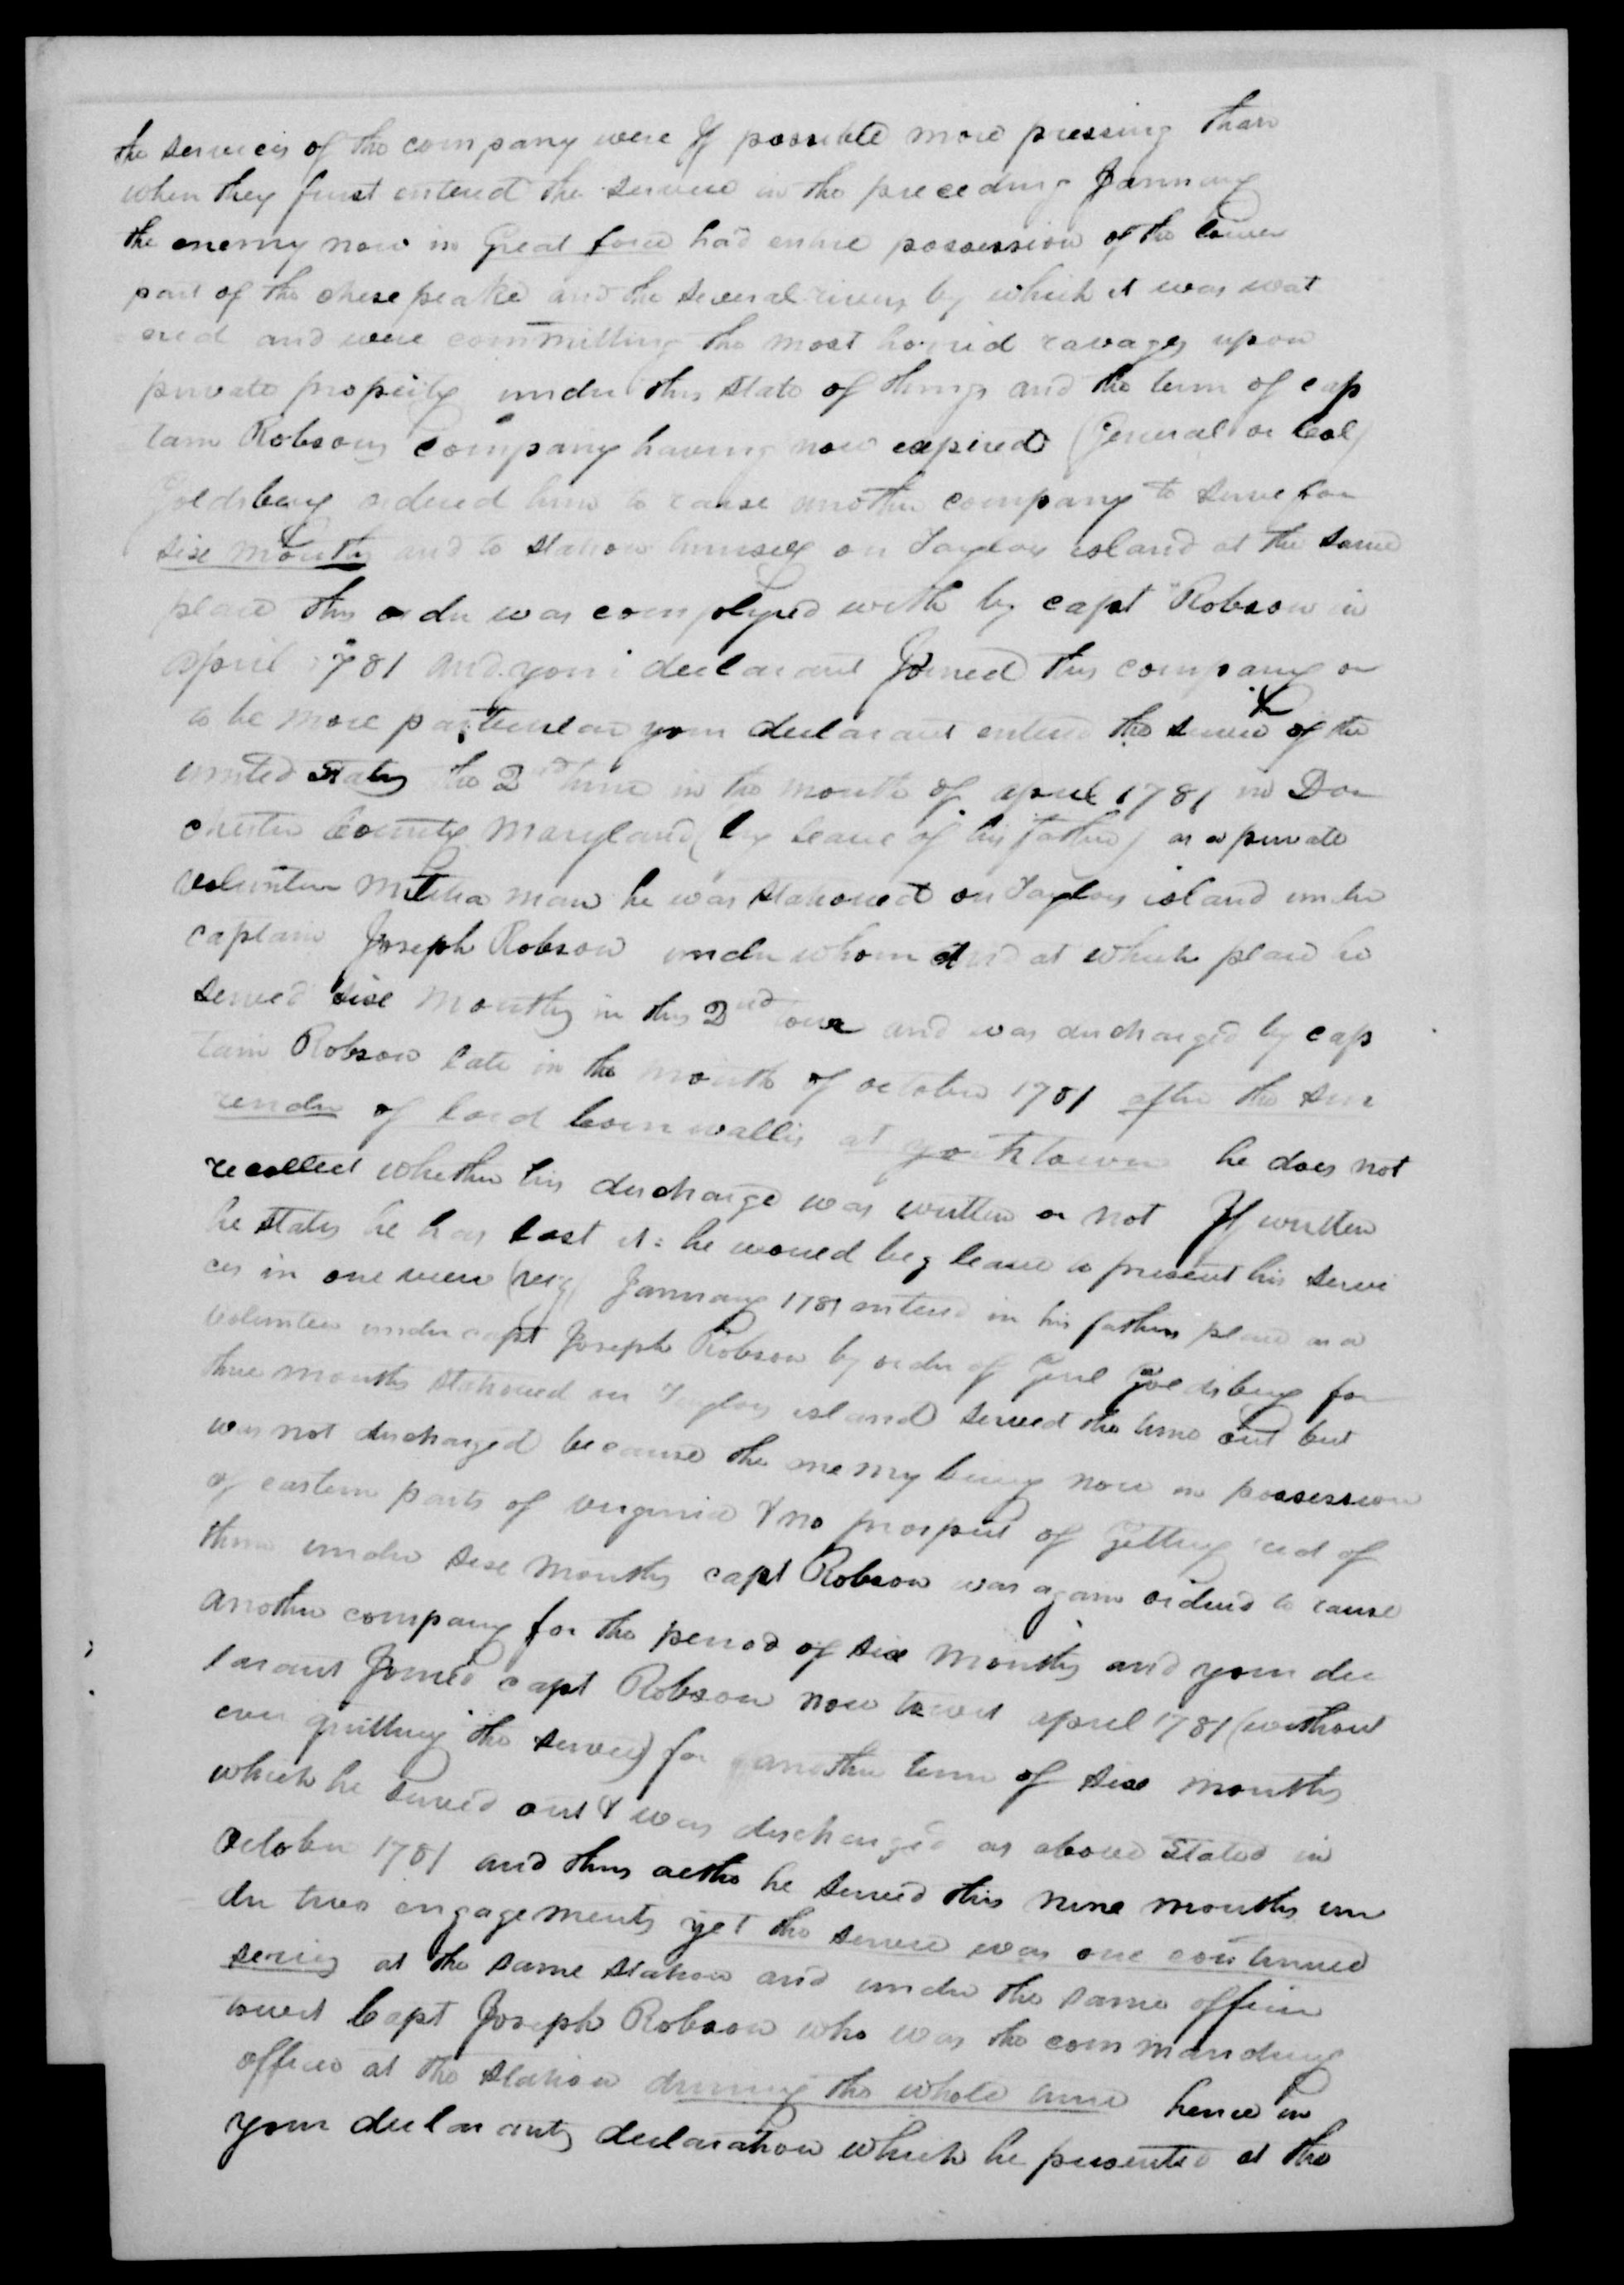The services of the company were if possible more pressing than when they first entered the service in the preceding January. The enemy now in Great force had entire possession of the lower part of the Chesapeake and the several rivers by which it was watered and were committing the most horrid ravage upon private property under the state of things and the  term of captain Robson’s company having now expired. (General or Col) Goldsberry ordered him to cause another company to serve for six months and to station himself on Taylor’s Island at the same place The  order was complyed with  by captain Robson in April 1781 and your declarant joined this company to be more practical and your declarant entered the service of the United States the 2nd time in the month of April 1781 on Dorchester Counts  Maryland (by leave of his father) as a private volunteer Militia man he was stationed on Taylor’s Island under Captain Joseph Robson under whom and at which place he served  six months in this 2nd time and was discharged by captain Robson late in the month of october 1781 after the surrender of Lord Cornwallis at yorktown he does not recollect whether his discharge was written or not  If written he states he has lost it he would beg leave to present his services in one view (re’g) January 1781 entered in his fathers place on or volunteers under capt Joseph Robson by order of Genl Goldsberry for three months stationed on Taylors Island served the time out but was not discharged because the enemy being now in possession of eastern parts of Virginia & no prospect of getting rid of them under six months caps Robson was again ordered to cause another company for the period of six months and your declarant joined cast Robson now to wit April 1781 (without ever quitting the service for another term of six months which he served out & was discharged about stated in October 1781 and thus oaths he served this nine months under two engagements yet the service was one continued service  at the same station and under the same officer told Capt Joseph Robson who was the commanding officer at the station during the  whole time  hence in your declarants declaration which he presents at this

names: Joseph Robson; [BLANK] Robson; Joseph Robson; [BLANK] Robson; [BLANK] Robson; [BLANK] Robson; Joseph Robson; [BLANK] Goldsbery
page: 6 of 61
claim: widow's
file: W. 11554, for John Stafford, Maryland